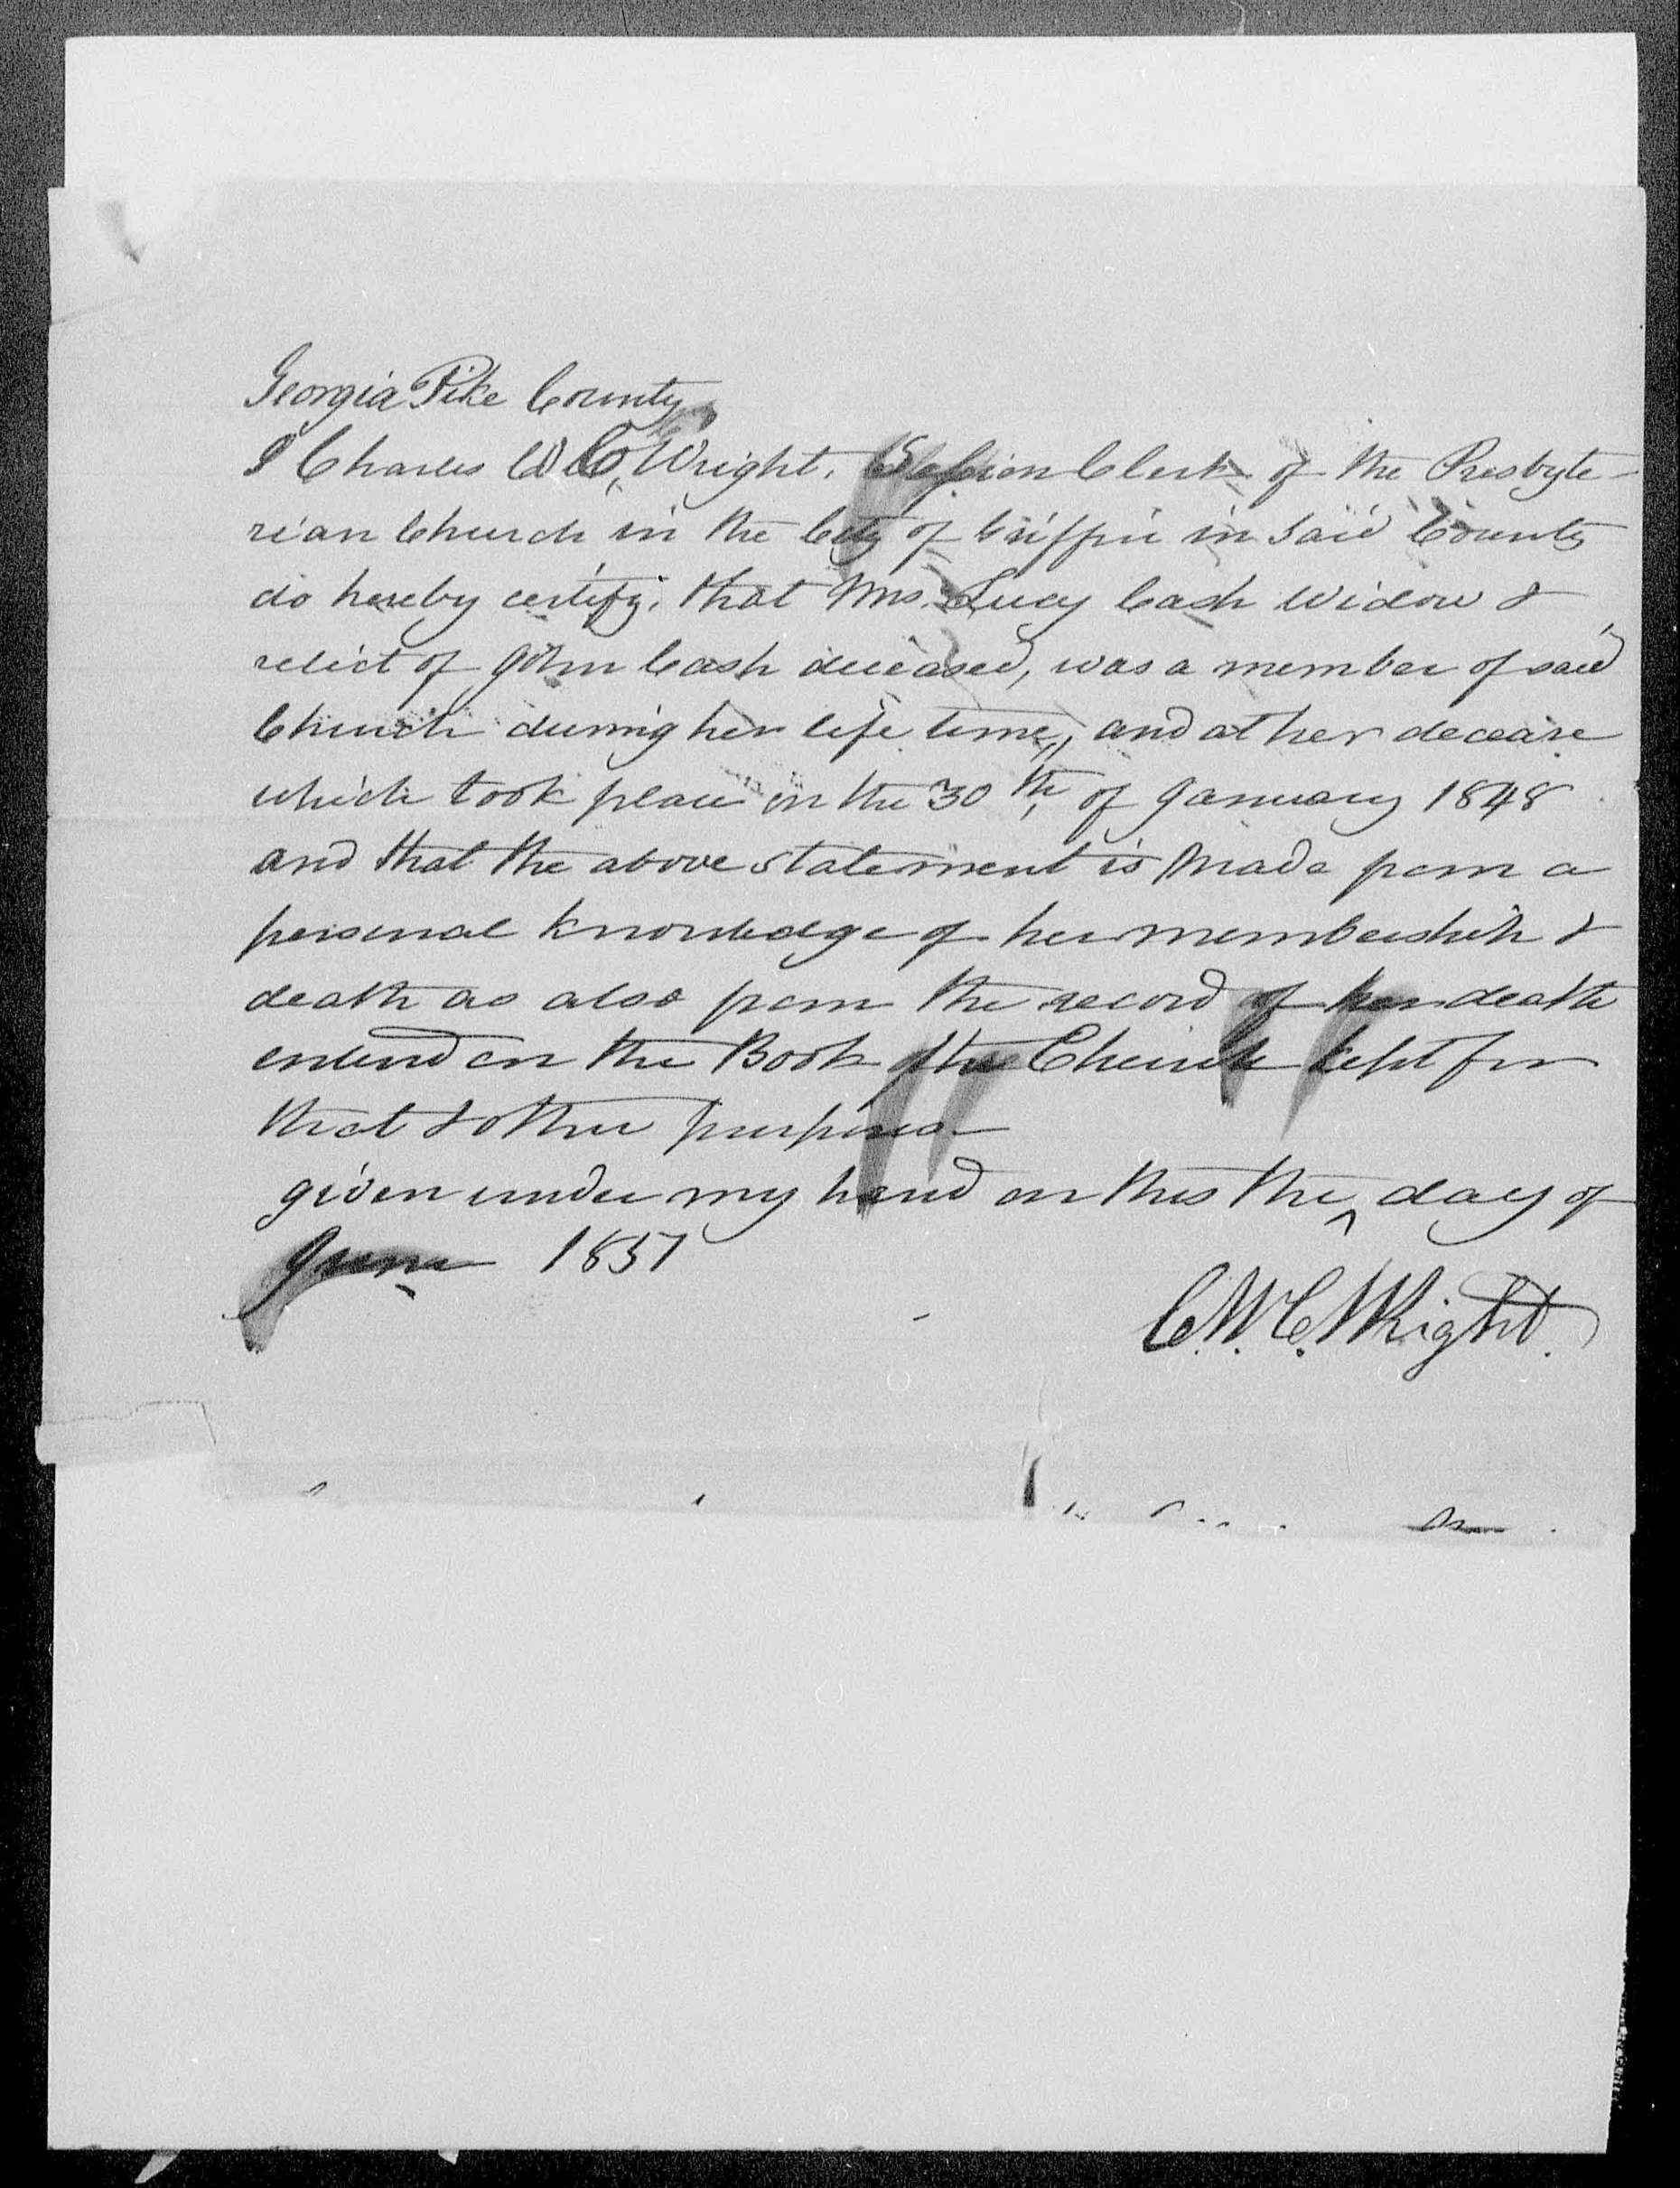Georgia Pike County
I, Charles C. Wright, Session Clerk of the Presbyterian Church in the City of Griffin in said County, do hereby certify that Mrs. Lucy Cash widow &
relict of John Cash deceased, was a member of said Church during her lifetime, and at her decease which took place on the 30th of January 1848 and that the above statement is made for a personal knowledge of her membership & death as also from the record of her death entered on the Book the Chair kept for what other purposes.
Given under my hand on this the day of June 1837
C. W. C. Wright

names: Lucy Cash, Charles W C Wright, C W C Wright, John Cash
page: 65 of 73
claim: widow's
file: W. 5,894, John Cash, Va.